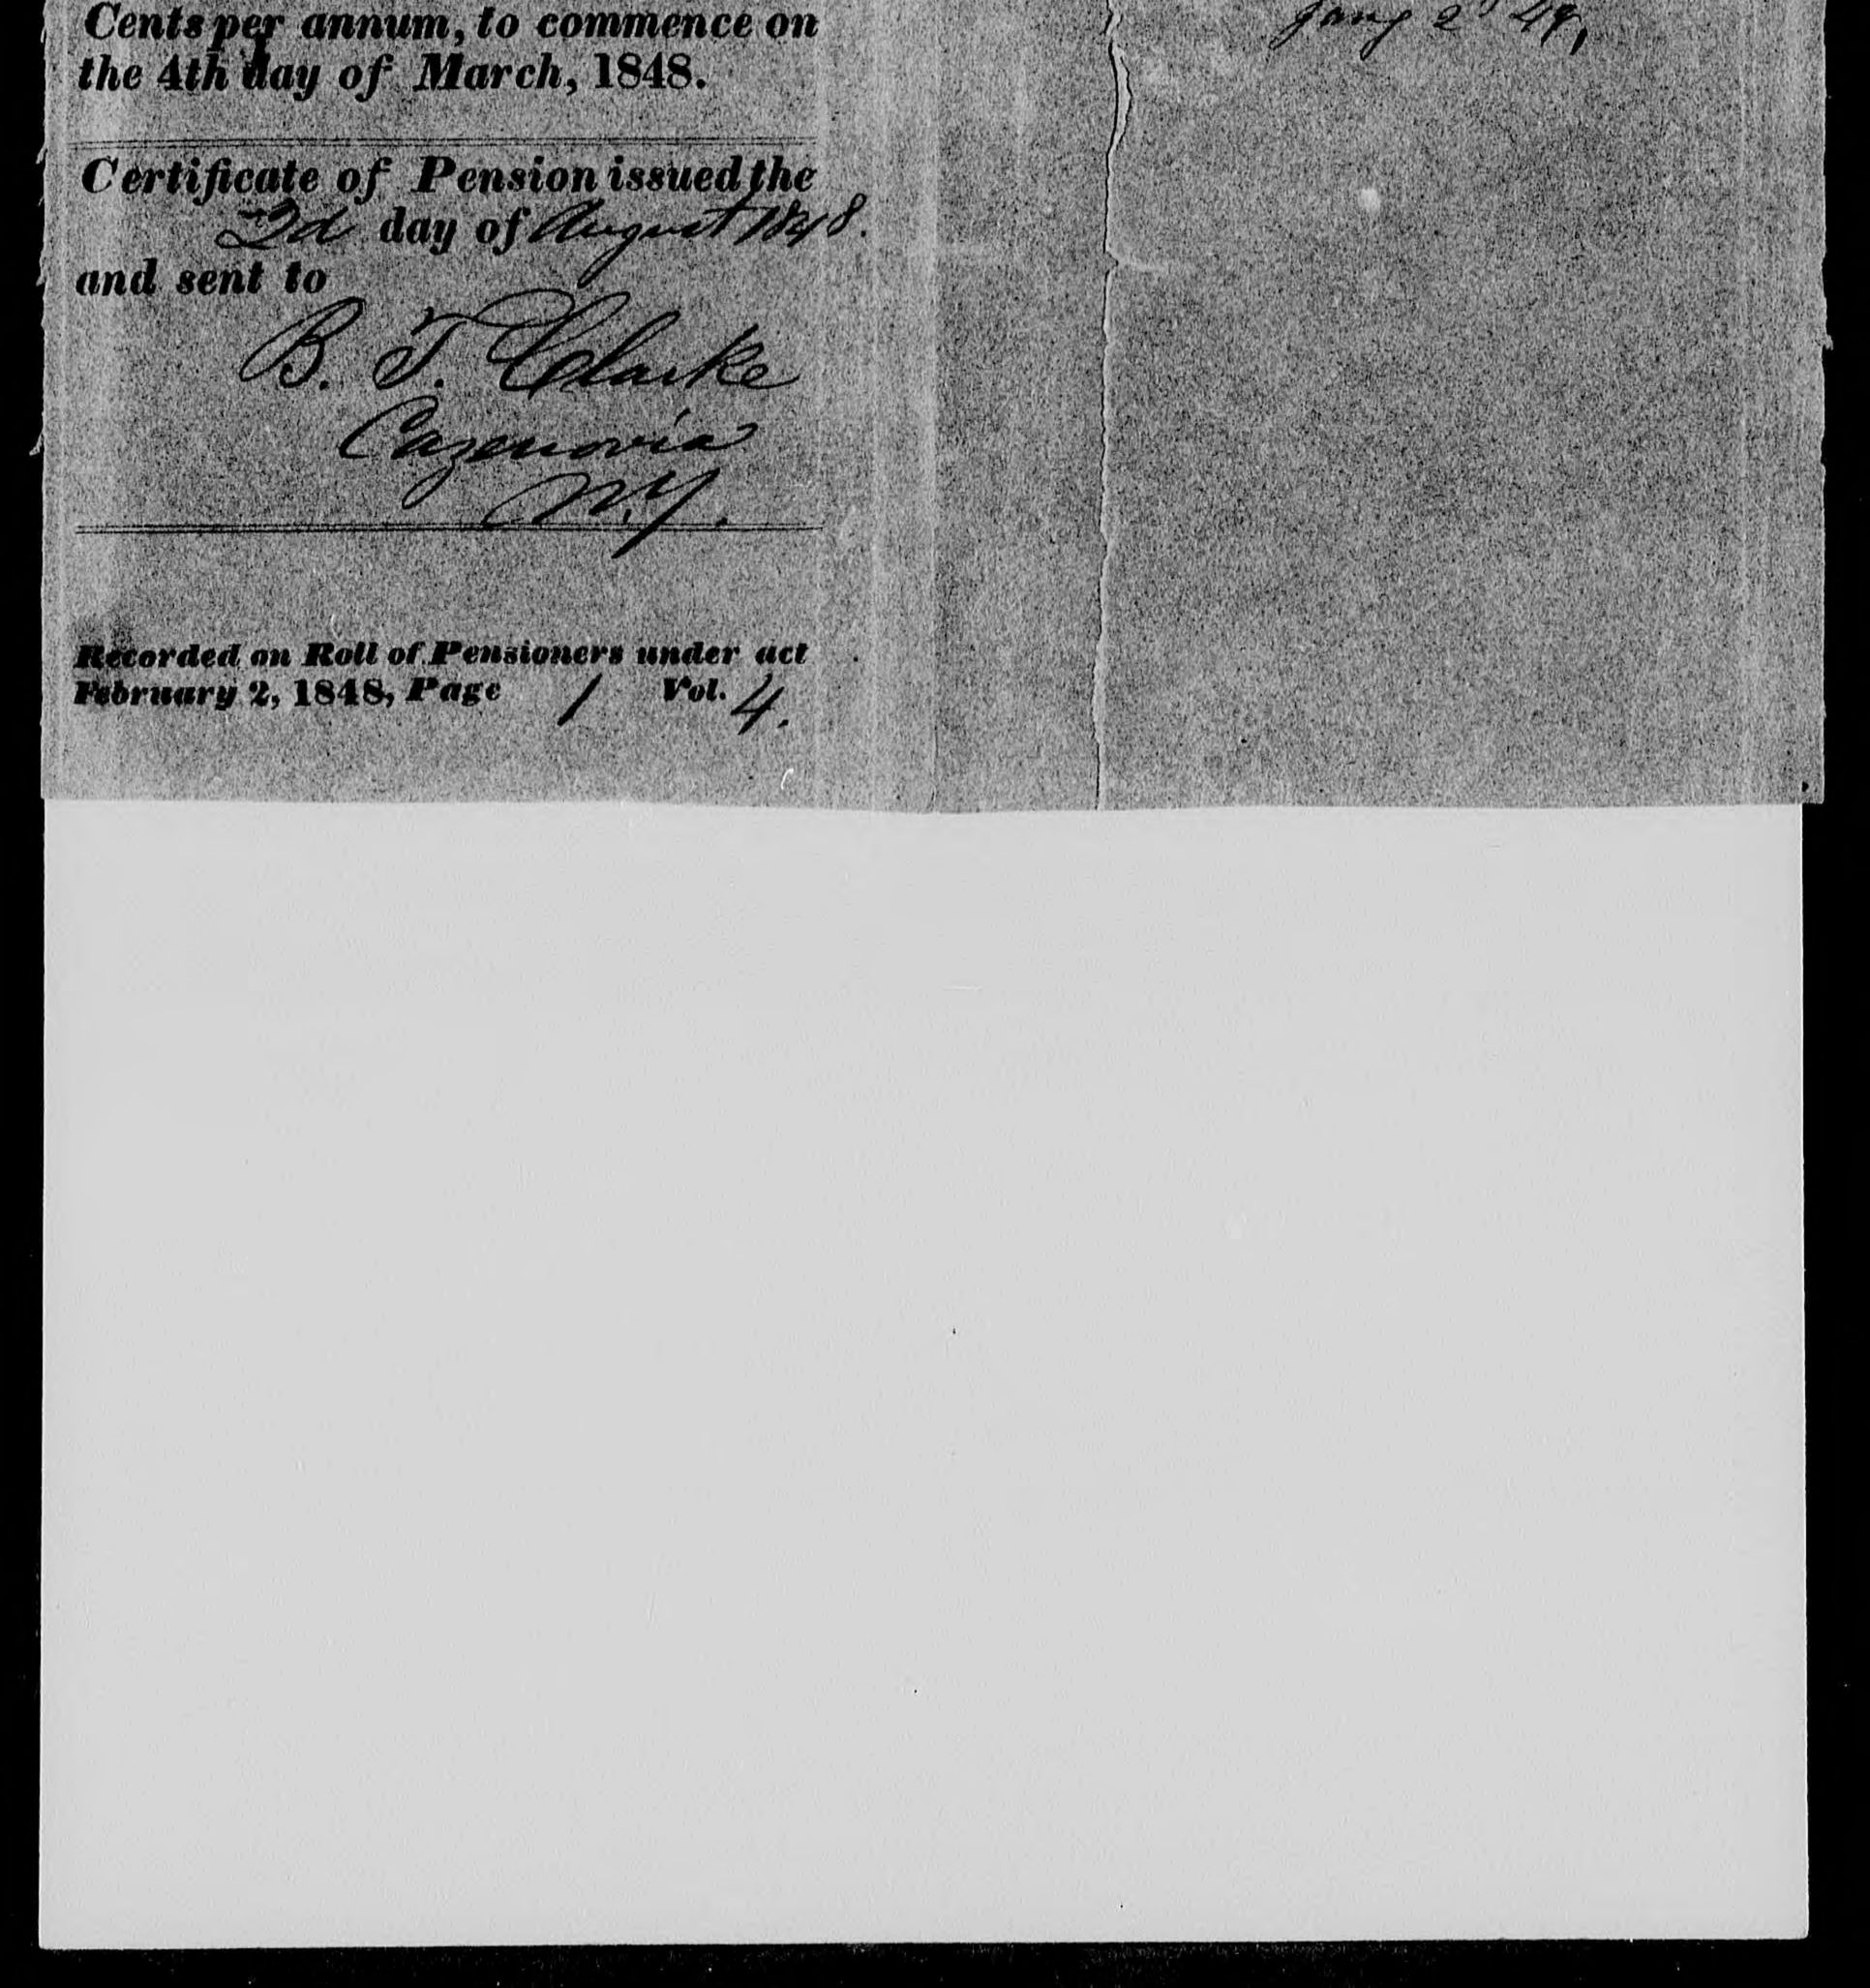[left side]
Cents per annum, to commence on
the 4th day of March, 1848.
Certificate of Pension issued the
2d day of August 1848
and sent to B. T. Clarke
Cazenovia N.Y.
Recorded on Roll of Pensioners under act
February 2, 1848, Page 1 Vol. 4.
[right side]
Jany 2nd 49.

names: B T Clarke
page: 37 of 74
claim: widow's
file: W. 23424, John Allen, Mass. R. I.